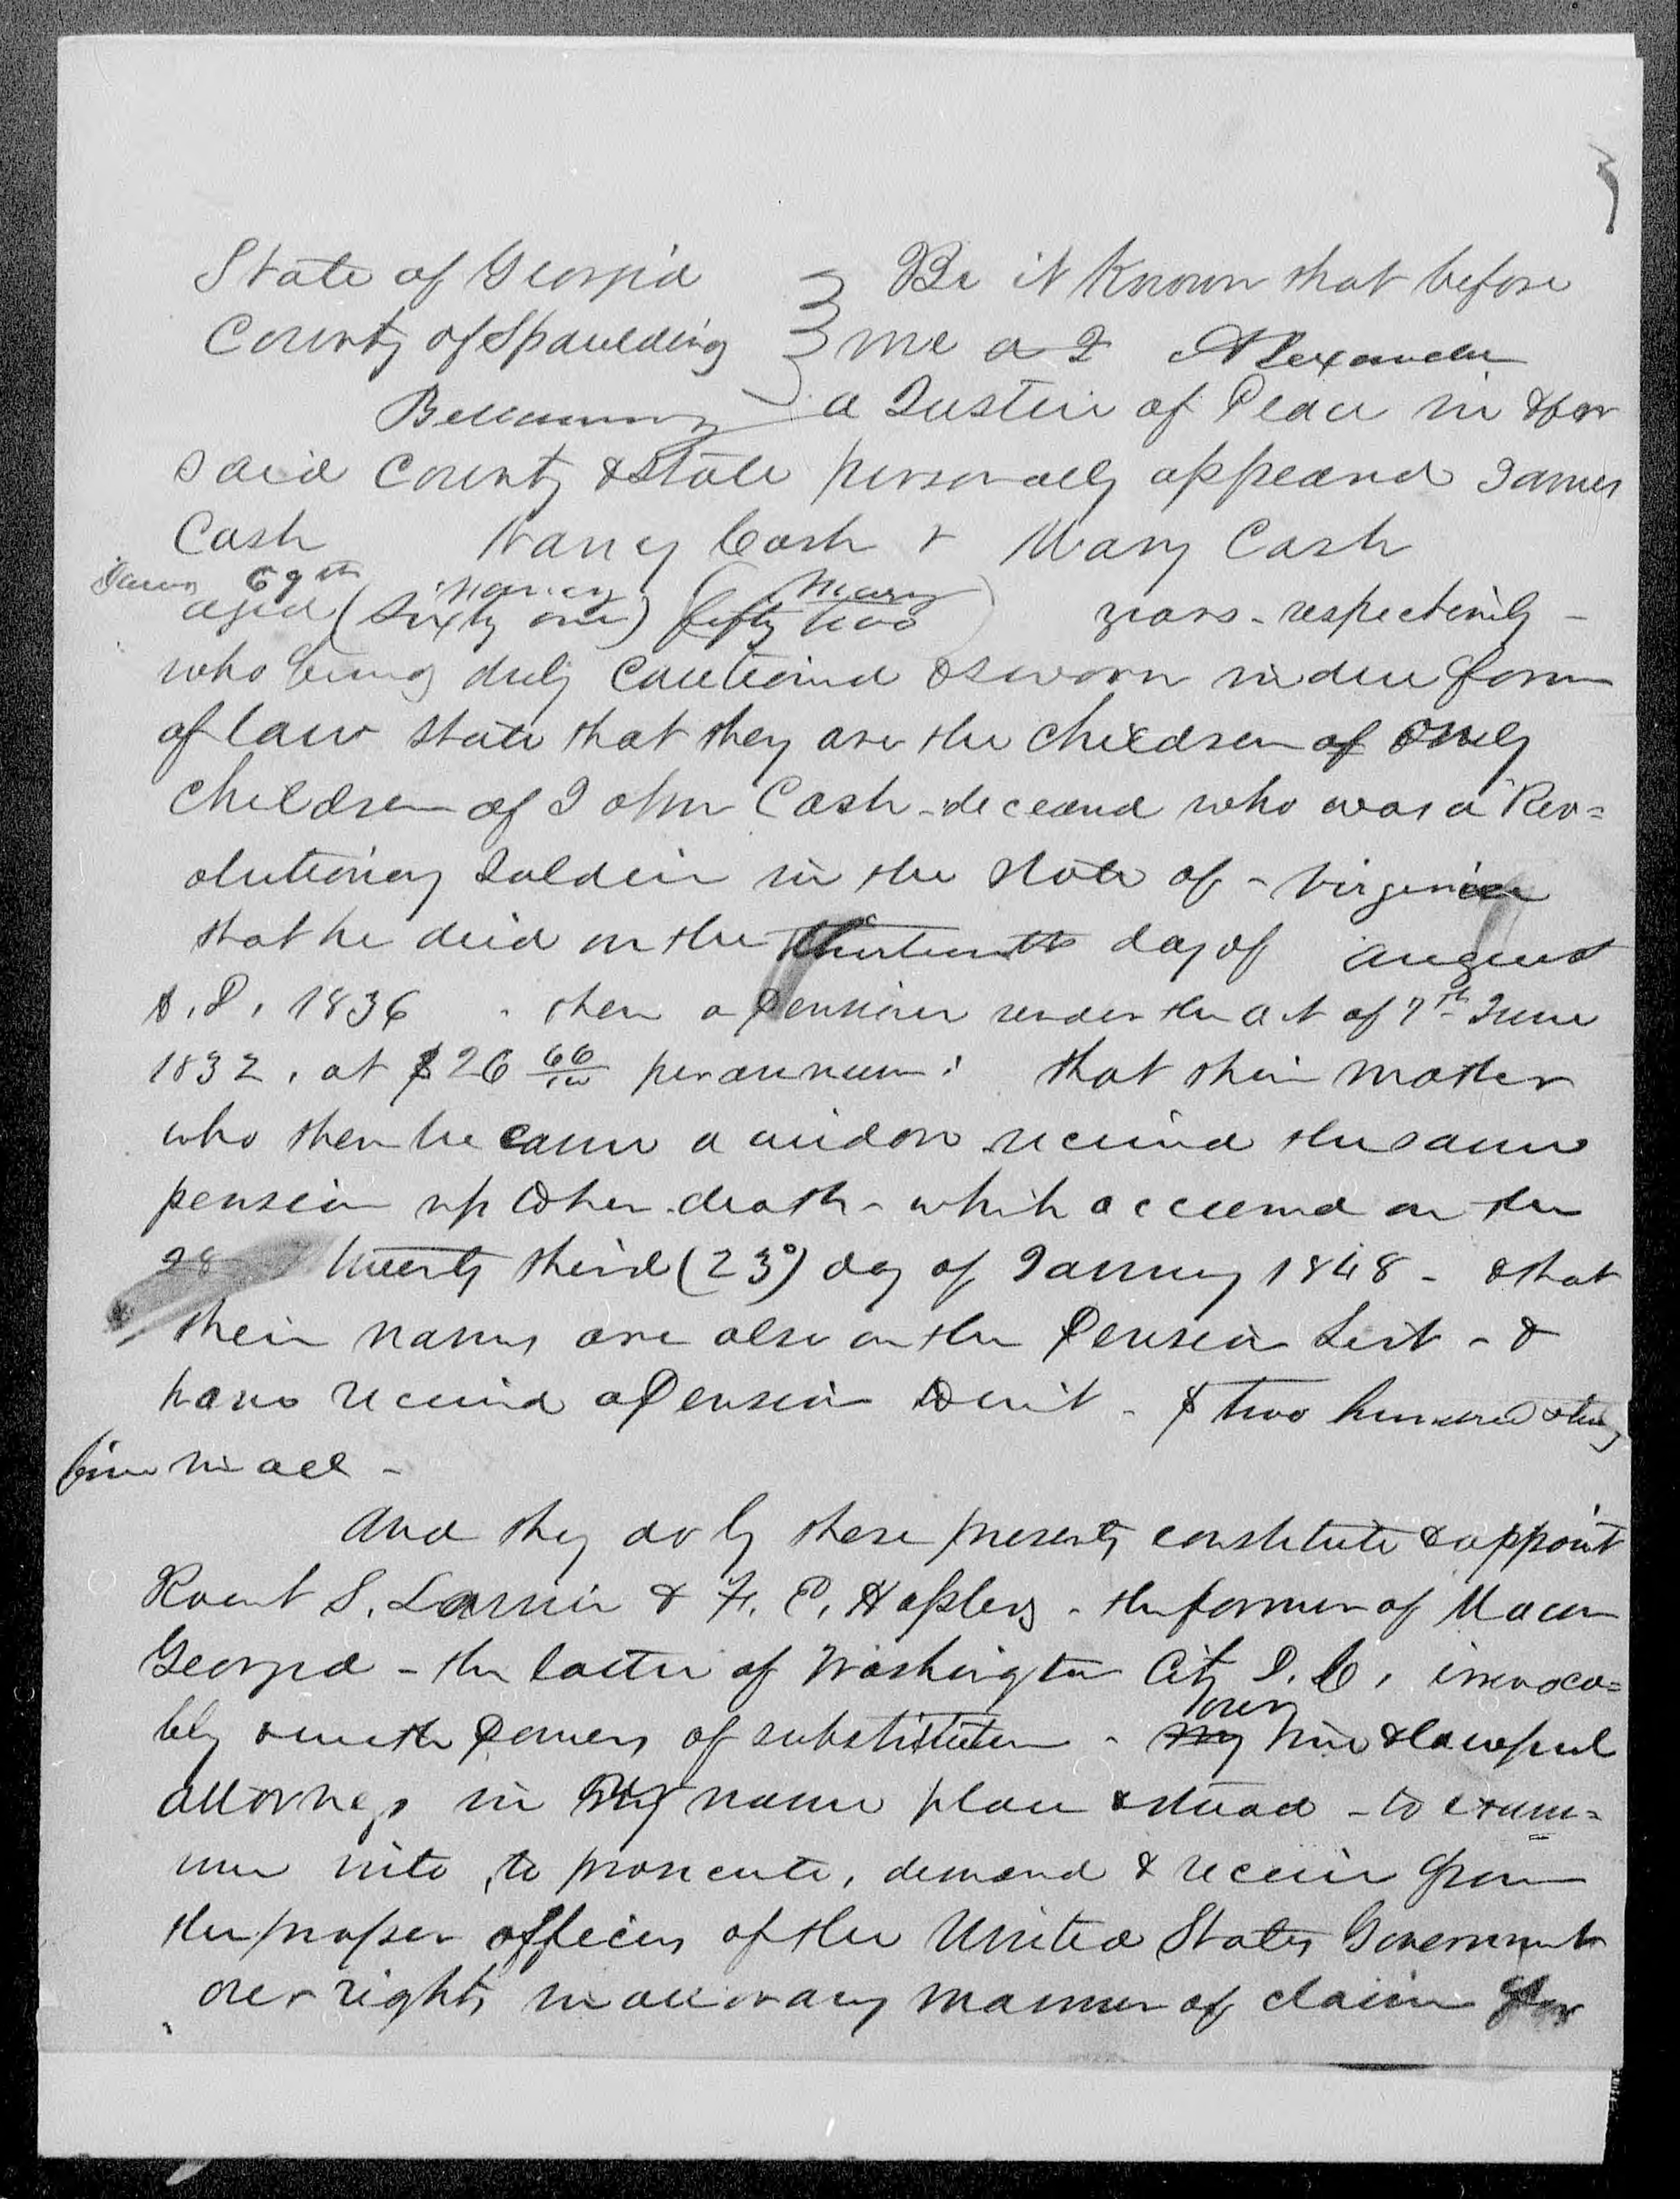State of Georgia
County of Spaulding
Be it Known that before me, Alexander Bellamy a Justice of Peace in aforesaid County & State, personally appeared James Cash (69) Nancy Cash (60) & Mary Cash (52)
(years  respectively) who being duly cautioned sworn in due form of law state that they are the children of John Cash deceased who was a Revolutionary soldier in the State of Virginia, that he died on the thirteenth day of August A.D. 1836 then a pensioner under the act of 7th June
1832, at $26 per annum; that their mother who then became   a widow received the same pension up to her death which occurred on the twenty third (23) day of January 1848. that their names are also in the pension List - & have received a pension to wit, two hundred & twenty-five dollars
in all, and they do by these presents constitute & appoint Robert S. Lamir & F. E. Hassley, the former of Macon Georgia, the latter of Washington City D.C. univocally with power of attorney of substitution, my time & lawful attorney in my name place & stead to examine, to prosecute, demand & receive from the proper officers of the United States Government our rights in all or any manner of claim for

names: F E Hassley, Mary, John Cash, Alexander Bellammy, James, Nancy Cash, Nancy, Roert S Lamir, James Cash, Mary Cash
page: 33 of 73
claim: widow's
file: W. 5,894, John Cash, Va.